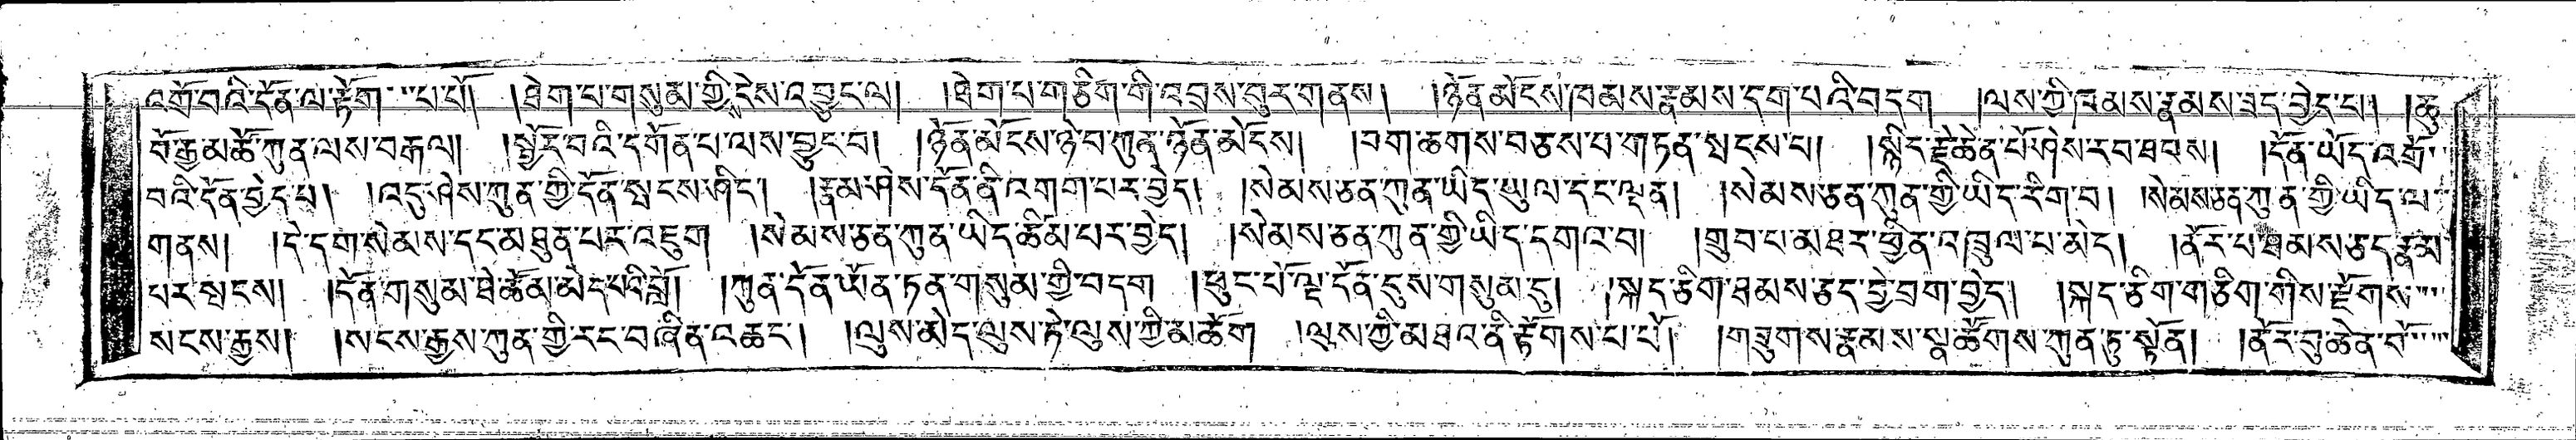འགྲོ་བའི་དོན་ལ་རྟོག་པ་པོ། །ཐེག་པ་གསུམ་གྱིས་ངེས་འབྱུང་ལ། །ཐེག་པ་གཅིག་གི་འབྲས་བུར་གནས། །ཉོན་མོངས་ཁམས་རྣམས་དག་པའི་བདག །ལས་ཀྱི་ཁམས་རྣམས་ཟད་བྱེད་པ། །ཆུ་
བོ་རྒྱ་མཚོ་ཀུན་ལས་བརྒལ། །སྦྱོར་བའི་དགོན་པ་ལས་བྱུང་བ། །ཉོན་མོངས་ཉེ་བ་ཀུན་ཉོན་མོངས། །བག་ཆགས་བཅས་པ་གཏན་སྤངས་པ། །སྙིང་རྗེ་ཆེན་པོ་ཤེས་རབ་ཐབས། །དོན་ཡོད་འགྲོ་
བའི་དོན་བྱེད་པ། །འདུ་ཤེས་ཀུན་གྱི་དོན་སྤངས་ཤིང་། །རྣམ་ཤེས་དོན་ནི་འགག་པར་བྱེད། །སེམས་ཅན་ཀུན་ཡིད་ཡུལ་དང་ལྡན། །སེམས་ཅན་ཀུན་གྱི་ཡིད་རིག་པ། །སེམས་ཅན་ཀུན་གྱི་ཡིད་ལ་
གནས། །དེ་དག་སེམས་དང་མཐུན་པར་འཇུག །སེམས་ཅན་ཀུན་ཡིད་ཚིམ་པར་བྱེད། །སེམས་ཅན་ཀུན་གྱི་ཡིད་དགའ་བ། །གྲུབ་པ་མཐར་ཕྱིན་འཁྲུལ་པ་མེད། །ནོར་པ་ཐམས་ཅད་རྣམ་
པར་སྤངས། །དོན་གསུམ་ཐེ་ཚོམ་མེད་པའི་བློ། །ཀུན་དོན་ཡོན་ཏན་གསུམ་གྱི་བདག །ཕུང་པོ་ལྔ་དོན་དུས་གསུམ་དུ། །སྐད་ཅིག་ཐམས་ཅད་བྱེ་བྲག་བྱེད། །སྐད་ཅིག་གཅིག་གིས་རྫོགས་
སངས་རྒྱས། །སངས་རྒྱས་ཀུན་གྱི་རང་བཞིན་འཆང་། །ལུས་མེད་ལུས་ཏེ་ལུས་ཀྱི་མཆོག །ལུས་ཀྱི་མཐའ་ནི་རྟོགས་པ་པོ། །གཟུགས་རྣམས་སྣ་ཚོགས་ཀུན་ཏུ་སྟོན། །ནོར་བུ་ཆེན་པོ་